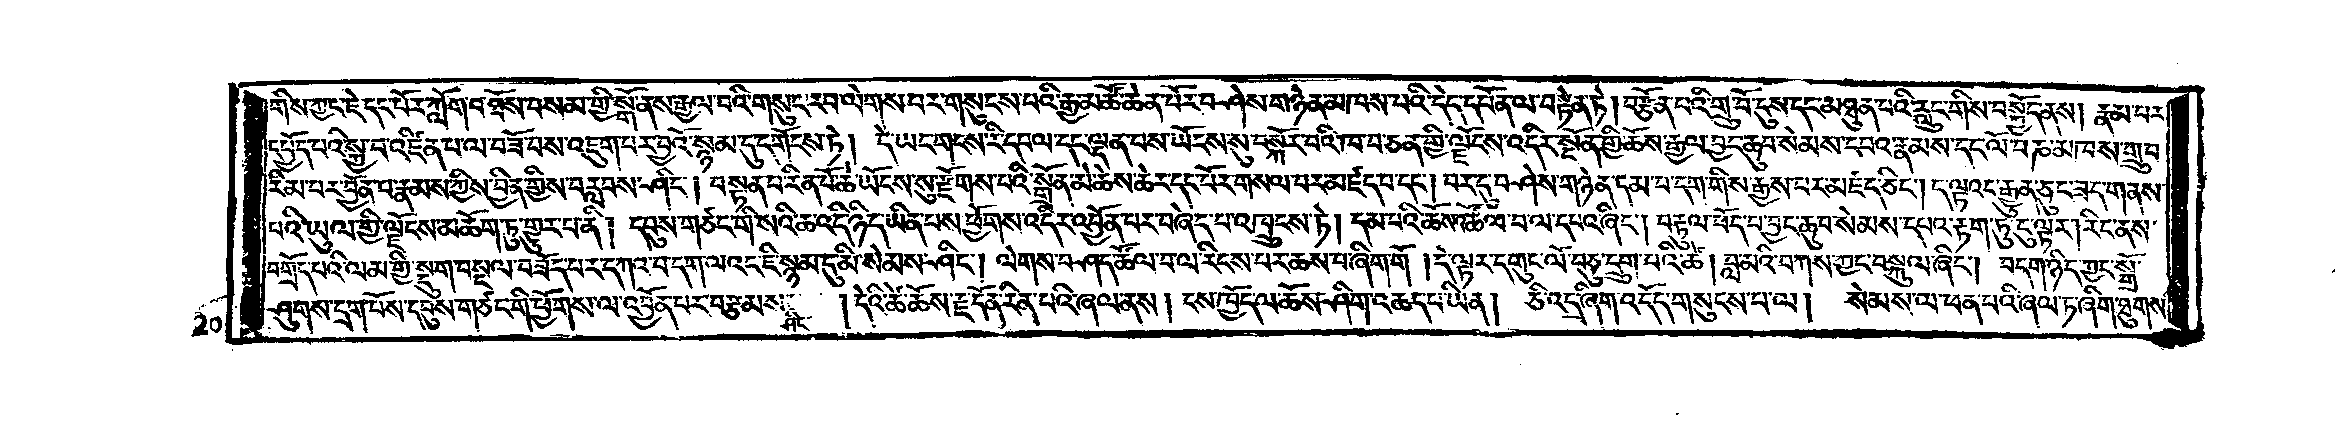གིས་ཀྱང་ཇེ་དང་པོར་ཀློག་པ་ཐོས་བསམ་གྱི་སྒོ་ནས་རྒྱལ་བའི་གསུང་རབ་ལེགས་པར་གསུངས་པའི་རྒྱ་མཚོ་ཆེན་པོར་བཤེས་གཉེན་མཁས་པའི་དེད་དཔོན་ལ་བསྟེན་ཏེ། བརྩོན་པའི་གྲུ་བོ་དུས་དང་མཐུན་པའི་རླུང་གིས་བསྐྱོད་ནས། རྣམ་པར་
དཔྱོད་པའི་སྐྱ་བ་འཛིན་པ་ལ་བཟོ་བས་འཇུག་པར་བྱའོ་སྙམ་དུ་དགོངས་ཏེ། དེ་ཡང་གངས་རི་དཔལ་དང་ལྡན་པས་ཡོངས་སུ་བསྐོར་བའི་ཁ་བ་ཅན་གྱི་ལྗོངས་འདིར་སྔོན་གྱི་ཆོས་རྒྱལ་བྱང་ཆུབ་སེམས་དཔའ་རྣམས་དང་ལོ་པཎ་མཁས་གྲུབ་
རིམ་པར་བྱོན་པ་རྣམས་ཀྱིས་བྱིན་གྱིས་བརླབས་ཤིང་། བསྟན་པ་རིན་པོ་ཆེ་ཡོངས་སུ་རྫོགས་པའི་སྒྲོན་མེ་ཆེས་ཆེར་དང་པོར་གསལ་བར་མཛད་པ་དང་། བར་དུ་བཤེས་གཉེན་དམ་པ་དག་གིས་རྒྱས་པར་མཛད་ཅིང་། ད་ལྟའང་རྒྱུན་ཅུང་ཟད་གནས་
པའི་ཡུལ་གྱི་ལྗོངས་མཆོག་ཏུ་གྱུར་པ་ནི། དབུས་གཙང་གི་སའི་ཆ་འདི་ཉིད་ཡིན་པས་ཕྱོགས་འདིར་འབྱོན་པར་བཞེད་པ་འཁྲུངས་ཏེ། དམ་པའི་ཆོས་འཚོལ་བ་ལ་དཔའ་ཞིང་། བརྟུལ་ཕོད་པ་བྱང་ཆུབ་སེམས་དཔའ་རྟག་ཏུ་ངུ་ལྟར། རིང་ནས་
བགྲོད་པའི་ལམ་གྱི་སྡུག་བསྔལ་བཟོད་པར་དཀའ་བ་དག་ལའང་ཇི་སྙམ་དུ་མི་སེམས་ཤིང་། ལེགས་བཤད་ཚོལ་བ་ལ་རིངས་པར་ཆས་པ་ཞིག་གོ །དེ་ལྟར་དགུང་ལོ་བཅུ་དྲུག་པའི་ཚེ། བླ་མའི་བཀས་ཀྱང་བསྐུལ་ཞིང་། བདག་ཉིད་ཀྱང་སྒྲོ་
ཤུགས་དྲག་པོས་དབུས་གཙང་གི་ཕྱོགས་ལ་འབྱོན་པར་བརྩམས་ཤིང་། དེའི་ཚེ་ཆོས་རྫ་དོན་རིན་པའི་ཞལ་ནས། ངས་ཁྱོད་ལ་ཆོས་ཤིག་འཆད་པ་ཡིན། ཅི་འདྲ་ཞིག་འདོད་གསུངས་པ་ལ། སེམས་ལ་ཕན་པའི་ཞལ་ཏ་ཞིག་ཐུགས་